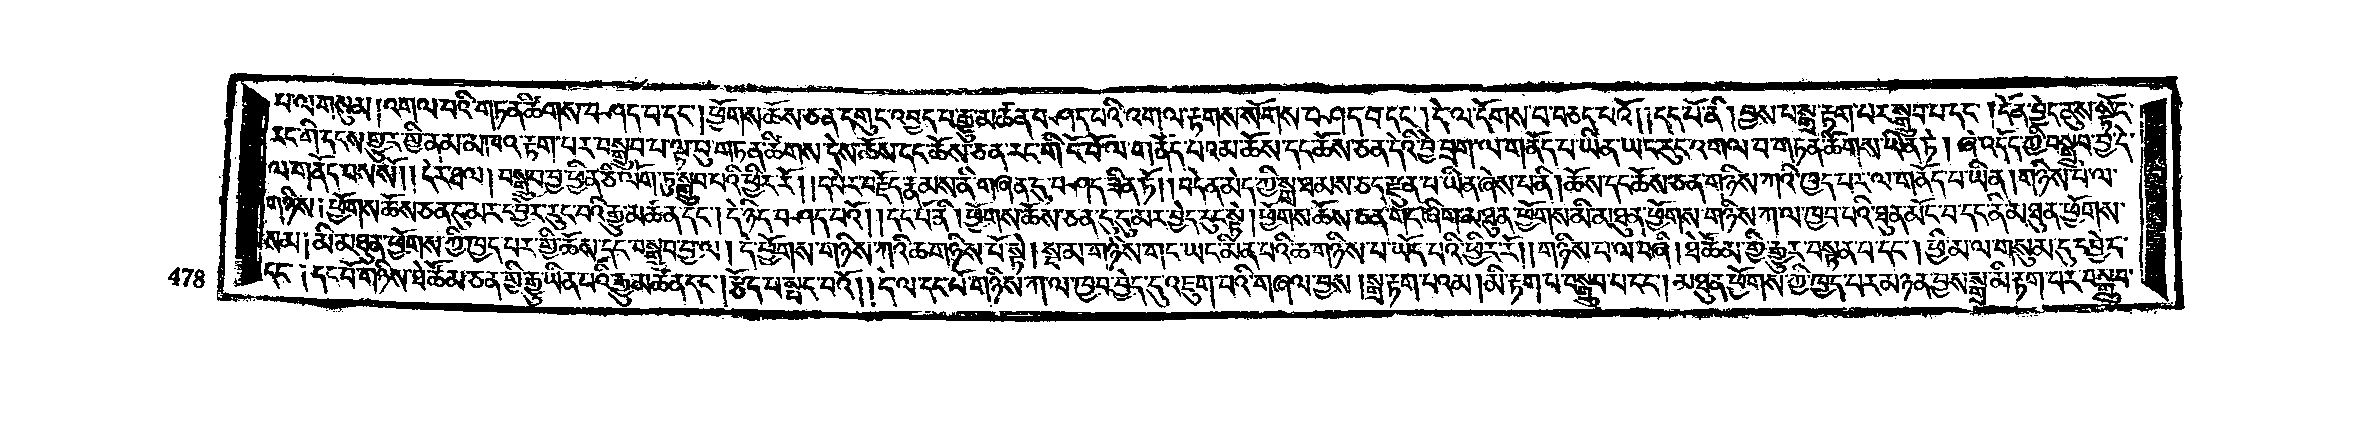པ་ལ་གསུམ། འགལ་བའི་གཏན་ཚིགས་བཤད་པ་དང་། ཕྱོགས་ཆོས་ཅན་དགུང?་འབྱད་པ་རྒྱུ་མཚན་བཤད་པའི་འགལ་རྟགས་སོགས་བཤད་པ་དང་། དེ་ལ་དོགས་པ་བཅད་པའོ། །དང་པོ་ནི། བྱས་པ་སྒྲ་རྟག་པར་སྒྲུབ་པ་དང་། དོན་བྱེད་ནུས་སྟོང་
རང་གི་དངས་གྱུར་གྱི་ནམ་མཁའ་རྟག་པར་བསྒྲུབ་པ་ལྟ་བུ་གཏན་ཚིགས་དེས་ཆོས་དང་ཆོས་ཅན་རང་གི་ངོ་བླ་གནོད་པའམ་ཆོས་དང་ཆོས་ཅན་དེའི་བྱེ་བྲག་ལ་གནོད་པ་ཡིན་ཡང་རུང་འགལ་བ་གཏན་ཚིགས་ཡིན་ཏེ། ཞེ་འདོད་ཀྱི་བསྒྲུབ་བྱ་དེ་
ལ་གནོད་པས་སོ། །དེར་ཐལ། བསྒྲུབ་བྱ་ཕྱིན་ཅི་ལོག་ཏུ་སྒྲུབ་པའི་ཕྱིར་རོ། །དཔེར་བརྗོད་རྣམས་ནི་གཞན་དུ་བཤད་ཟིན་ཏོ། །བདེན་མེད་ཀྱི་སྒྲ་ཐམས་ཅད་རྫུན་པ་ཡིན་ཞེས་པ་ནི། ཆོས་དང་ཆོས་ཅན་གཉིས་ཀའི་ཁྱད་པར་ལ་གནོད་པ་ཡིན། གཉིས་པ་ལ་
གཉིས༑ ཕྱོགས་ཆོས་ཅན་དུ་མར་དབྱེར་རུང་བའི་རྒྱུ་མཚན་དང་། དེ་ཉིད་བཤད་པའོ། །དང་པོ་ནི། ཕྱོགས་ཆོས་ཅན་དུ་དུ་མར་བྱེད་རུང་སྟེ། ཕྱོགས་ཆོས་ཅན་གང་ཞིག་མཐུན་ཕྱོགས་མི་མཐུན་ཕྱོགས་གཉིས་ཀ་ལ་ཁྱབ་པའི་ཐུན་མོང་བ་དང་མི་མཐུན་ཕྱོགས་
སམ༑ མི་མཐུན་ཕྱོགས་ཀྱི་ཁྱད་པར་གྱི་ཆོས་དང་བསྒྲུབ་བྱ་ལ། དེ་ཕྱོགས་གཉིས་ཀའི་ཆ་གཉིས་པོ་སྟེ། སྔ་མ་གཉིས་གང་ཡང་མིན་པའི་ཆ་གཉིས་པ་ཡོད་པའི་ཕྱིར་རོ། །གཉིས་པ་ལ་བཞི། ཐེ་ཚོམ་གྱི་རྒྱུར་བསྟན་པ་དང་། ཕྱི་མ་ལ་གསུམ་དུ་དབྱེ་བ?
དང༑ དང་པོ་གཉིས་ཐེ་ཚོམ་ཅན་གྱི་རྒྱུ་ཡིན་པའི་རྒྱུ་མཚན་དང་། རྩོད་པ་སྤང་བའོ། །དེ་ལ་དང་པོ་གཉིས་ཀ་ལ་ཁྱབ་བྱེད་དུ་འཇུག་པའི་གཞལ་བྱས། སྒྲ་རྟག་པའམ། མི་རྟག་པ་བསྒྲུབ་པ་དང་། མཐུན་ཕྱོགས་ཀྱི་ཁྱད་པར་མཉན་བྱས་སྒྲ་མི་རྟག་པར་བསྒྲུབ་